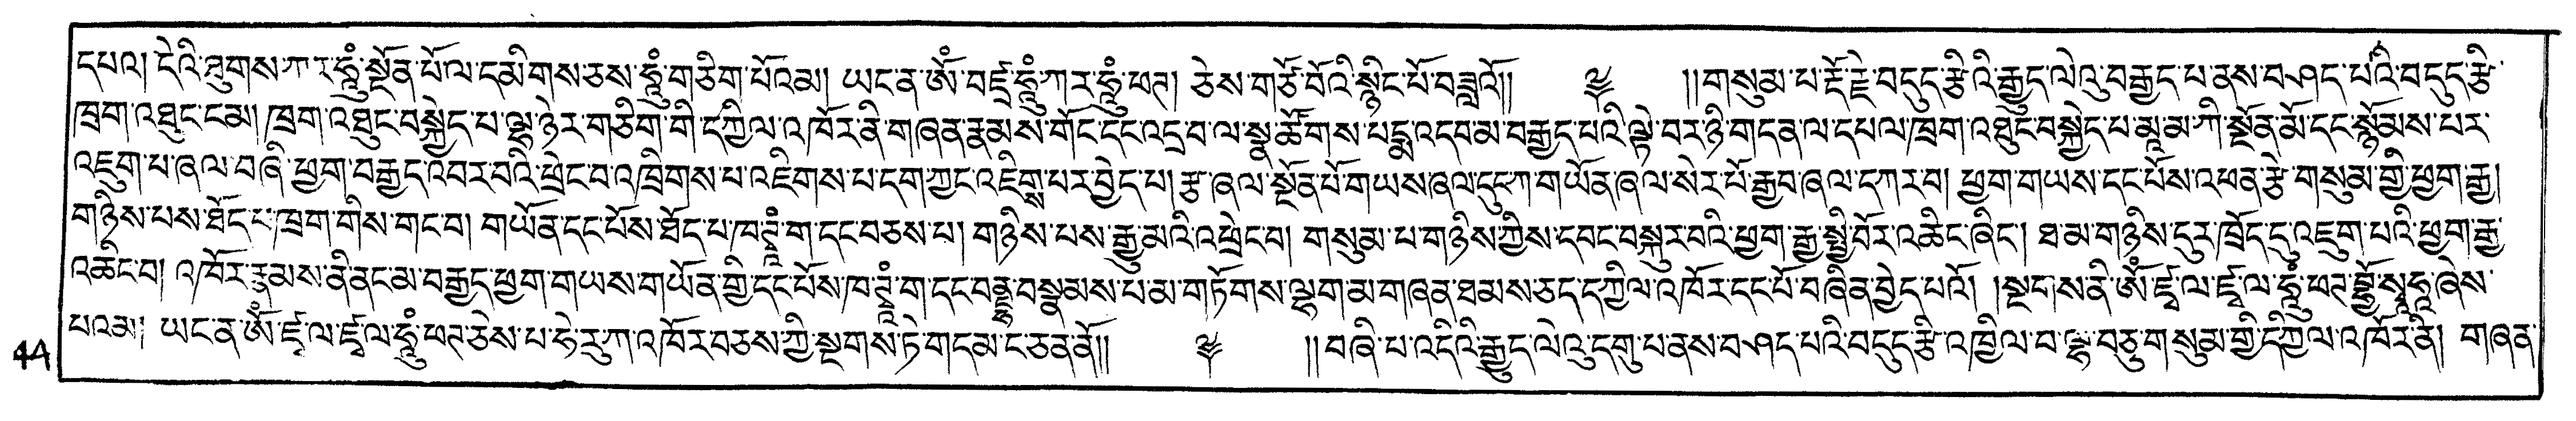དཔའ། དེའི་ཐུགས་ཀར་ཧཱུཾ་སྔོན་པོ་ལ་དམིགས་ཅས་ཧཱུཾ་གཅིག་པོའམ། ཡང་ན་ཨོཾ་བཛྲ་ཧཱུཾ་ཀར་ཧཱུཾ་ཕཊ། ཅེས་གཙོ་བོའི་སྙིང་པོ་བཟླའོ།། ༈ །།གསུམ་པ་རྡོ་རྗེ་བདུད་རྩིའི་རྒྱུད་ལེའུ་བརྒྱད་པ་ནས་བཤད་པའི་བདུད་རྩི་
ཁྲག་འཐུང་ངམ། ཁྲག་འཐུང་བསྐྱེད་པ་ལྷ་ཉེར་གཅིག་གི་དཀྱིལ་འཁོར་ནི་གཞན་རྣམས་གོང་དང་འདྲ་བ་ལ་སྣ་ཚོགས་པདམ་འདབ་མ་བརྒྱད་པའི་ལྟེ་བར་ཉི་གདན་ལ་དཔལ་ཁྲག་འཐུང་བསྐྱེད་པ་མཱ་མ་ཀི་སྔོན་མོ་དང་སྙོམས་པར་
འཇུག་པ་ཞལ་བཞི་ཕྱག་བརྒྱད་འབར་བའི་ཕྲེང་བ་འཁྲིགས་པ་འཇིགས་པ་དག་ཀྱང་འཇིགས་པར་བྱེད་པ། རྩ་ཞལ་སྔོན་པོ་གཡས་ཞལ་དུང་ཀ་གཡོན་ཞལ་སེར་པོ་རྒྱབ་ཞལ་དཀར་བ། ཕྱག་གཡས་དང་པོས་འཕན་རྩེ་གསུམ་གྱི་ཕྱག་རྒྱ།
གཉིས་པས་ཐོད་པ་ཁྲག་གིས་གང་བ། གཡོན་དང་པོས་ཐོད་པ་ཁ་ཊྭཱཾ་ག་དང་བཅས་པ། གཉིས་པས་རྒྱུ་མའི་འཕྲེང་བ། གསུམ་པ་གཉིས་ཀྱིས་དབང་བསྐུར་བའི་ཕྱག་རྒྱ་སྤྱི་བོར་འཆིང་ཞིང་། ཐ་མ་གཉིས་ངུར་ཁྲོད་དུ་འཇུག་པའི་ཕྱག་རྒྱ་
འཆིང་བ། འཁོར་རྣམས་ནི་ནང་མ་བརྒྱད་ཕྱག་གཡས་གཡོན་གྱི་དང་པོས་ཁ་ཊྭཱཾ་ག་དང་བནྡྷ་བསྣམས་པ་མ་གཏོགས་ལྷག་མ་གཞན་ཐམས་ཅད་དཀྱིལ་འཁོར་དང་པོ་བཞིན་བྱེད་པའོ། །སྔགས་ནི་ཨོཾ་ཛྭ་ལ་ཛྭ་ལ་ཧཱུཾ་ཕཊ་བྷྱོ་སྭཱཧཱ་ཞེས་
པའམ། ཡང་ན་ཨོཾ་ཛྭ་ལ་ཛྭ་ལ་ཧཱུཾ་ཕཊ་ཅེས་པ་ཧེ་རུ་ཀ་འཁོར་བཅས་ཀྱི་སྔགས་ཏེ་གདམ་ང་ཅན་ནོ།། ༈ །།བཞི་པ་འདིའི་རྒྱུད་ལེའུ་དགུ་པ་ནས་བཤད་པའི་བདུད་རྩི་འཁྱིལ་བ་ལྷ་བཅུ་གསུམ་གྱི་དཀྱིལ་འཁོར་ནི། གཞན་